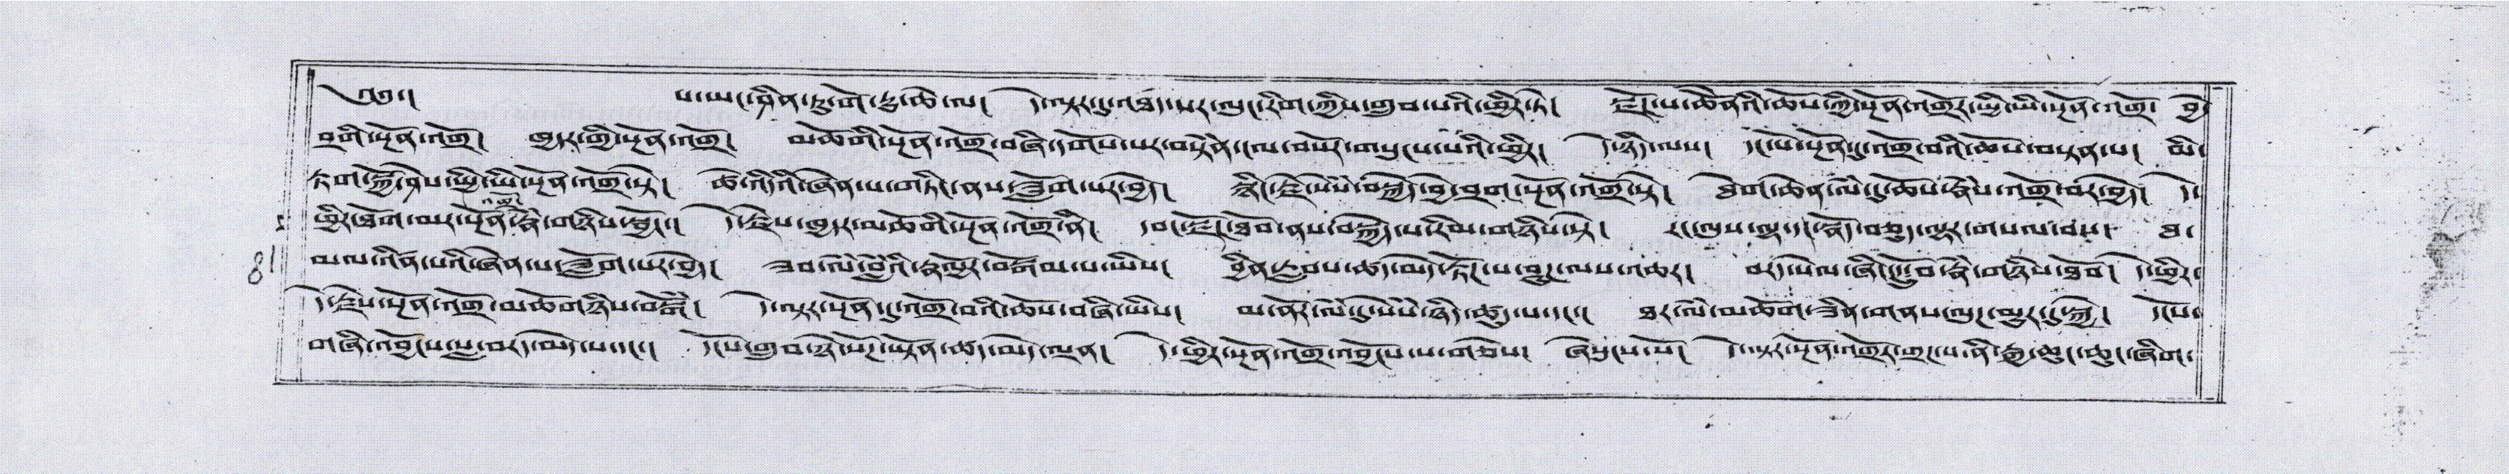པ་ཡང་ཤིན་ཏུ་གོ་རྒྱུ་ཆེ་ལ། དེ་ལྟར་དུ་འཐད་སར་ལུང་རིག་ཀྱིས་གྲུབ་པའི་ཕྱིར་ཏེ། རྫོགས་པ་ཆེན་པོའི་ཆོས་ཀྱི་སྔོན་འགྲོར་ཕྱི་ཡི་སྔོན་འགྲོ། བྱེ་
བྲག་གི་སྔོན་འགྲོ། ཁྱད་པར་གྱི་སྔོན་འགྲོ། མཆོག་གི་སྔོན་འགྲོ་བཞི་དགོས་པར་བསྟན་ངལ་བསོར་གསུངས་པའི་ཕྱིར། དེ་ཉིད་ལས། དང་པོ་སྔོན་དུ་འགྲོ་བའི་ཆོས་བསྟན་པ། མི་
རྟག་སྐྱོ་ཤེས་སྤྱི་ཡི་སྔོན་འགྲོ་སྟེ། ཚེ་འདིའི་ཞེན་པ་གཏིང་ནས་ཟློག་པར་བྱེད། སྙིང་རྗེ་སེམས་བསྐྱེད་བྱེ་བྲག་སྔོན་འགྲོ་སྟེ། ཐེག་ཆེན་ལམ་དུ་ཆོས་རྣམས་འགྲོ་བར་བྱེད། དེ་
ཕྱིར་ཐོག་མར་སྔོན་འགྲོ་རྣམ་གཉིས་སྦྱོང། དེ་རྗེས་ཁྱད་པར་མཆོག་གི་སྔོན་འགྲོ་ནི། དབང་རྫོགས་ཐོབ་ནས་བསྐྱེད་པ་རིམ་གཉིས་སྟེ། རང་ལུས་ལྷ་དང་སྣོད་བཅུད་ལྷར་གསལ་བས། ཐ་
མལ་འཛིན་པའི་ཞེན་པ་ཟློག་པར་བྱེད། ཟབ་ལམ་བླ་མའི་རྣལ་འབྱོར་བསྒོམ་པ་ཡིས། བྱིན་རླབས་ཚད་མེད་རྟོགས་པ་ཤུགས་ལས་འཆར། བར་ཆད་སེལ་ཞིང་དངོས་གྲུབ་རྣམ་གཉིས་ཐོབ། དེ་ཕྱིར་
དེ་རྗེས་སྔོན་འགྲོ་མཆོག་གཉིས་བསྒོམ། དེ་ལྟར་སྔོན་དུ་འགྲོ་བའི་ཆོས་བཞི་ཡིས། མ་ནོར་ལམ་དུ་སེམས་ཉིད་ཚུད་པ་དང། ཐར་ལམ་མཆོག་ཟིན་གནས་ལུགས་མྱུར་དུ་སྐྱེ། དངོས་
གཞི་འབྱོངས་སླ་བར་ཆད་མེད་པ་དང། དངོས་གྲུབ་ཉེ་སོགས་ཡོན་ཏན་ཚད་མེད་ལྡན། དེ་ཕྱིར་སྔོན་འགྲོ་འབྱོངས་པ་གཅེས། ཞེས་གསུངས་སོ། དེ་ལྟར་སྔོན་འགྲོར་གྲགས་པ་ནི་རྒྱ་ཆུང་ཆུང་ཞིག་